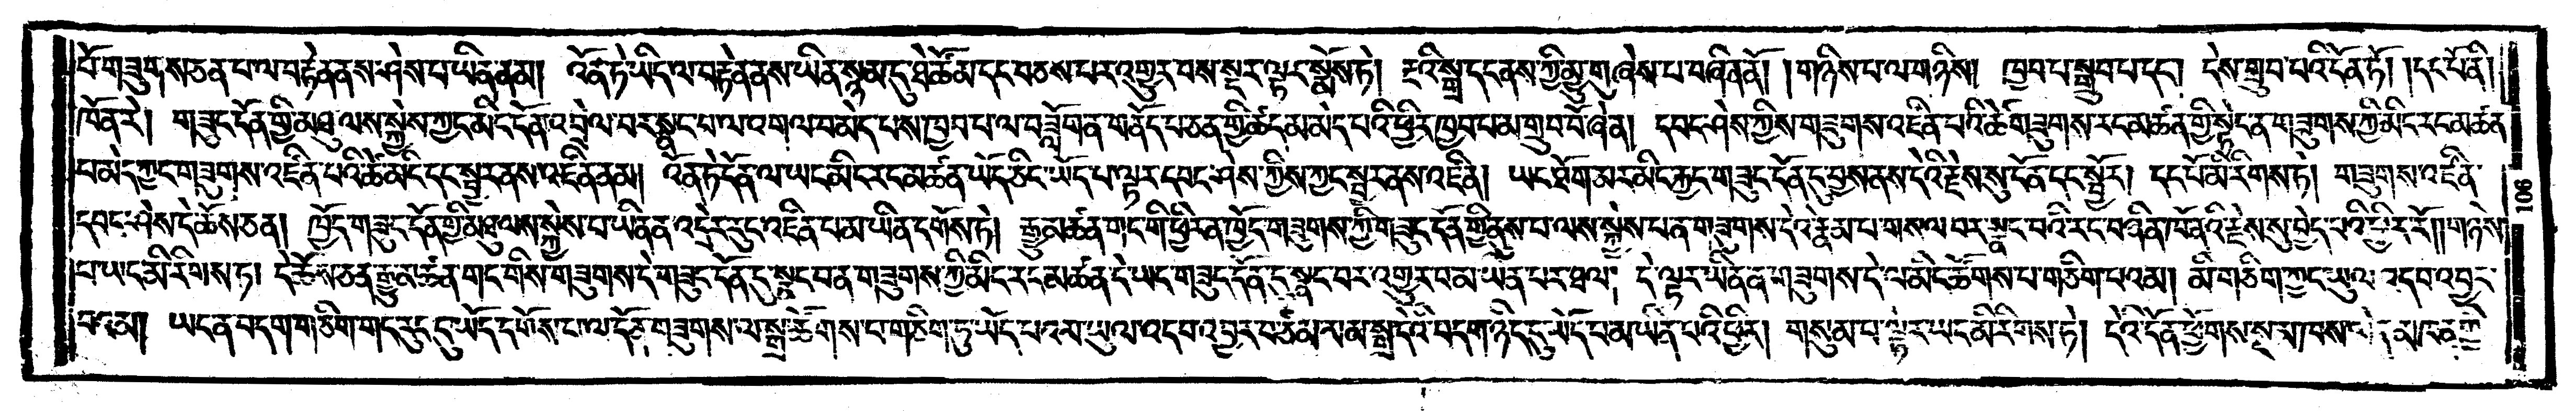པོ་གཟུགས་ཅན་པ་ལ་བརྟེན་ནས་ཤེས་པ་ཡིན་ནམ། འོན་ཏེ་ཡིད་ལ་བརྟེན་ནས་ཡིན་སྙམ་དུ་ཐེ་ཚོམ་དང་བཅས་པར་འགྱུར་པས་སྔར་ལྟར་སྨོས་ཏེ། རྔའི་སྒྲ་དང་ནས་ཀྱི་མྱུ་གུ་ཞེས་པ་བཞིན་ནོ། །གཉིས་པ་ལ་གཉིས། ཁྱབ་པ་སྒྲུབ་པ་དང་། དེས་གྲུབ་པའི་དོན་ཏོ། །དང་པོ་ནི།
ཁོ་ན་རེ། གཟུང་དོན་གྱི་མཐུ་ལས་སྐྱེས་ཀྱང་མིང་དོན་འབྲེལ་བར་སྣང་བ་ལ་འགལ་བ་མེད་པས་ཁྱབ་པ་ལ་བཟློག་ན་གནོད་པ་ཅན་གྱི་ཚད་མ་མེད་པའི་ཕྱིར་ཁྱབ་པ་མ་གྲུབ་བོ་ཞེ་ན། དབང་ཤེས་ཀྱིས་གཟུགས་འཛིན་པའི་ཚེ་གཟུགས་རང་མཚན་གྱི་སྟེང་ན་གཟུགས་ཀྱི་མིང་རང་མཚན་
པ་མེད་ཀྱང་གཟུགས་འཛིན་པའི་ཚེ་མིང་དང་སྦྱར་ནས་འཛིན་ནམ། འོན་ཏེ་དོན་ལ་ཡང་མིང་རང་མཚན་ཡོད་ཅིང་ཡོད་པ་ལྟར་དབང་ཤེས་ཀྱིས་ཀྱང་སྦྱར་ནས་འཛིན། ཡང་ཐོག་མར་མིང་རྐྱང་གཟུང་དོན་དུ་བྱས་ནས་དེའི་རྗེས་སུ་དོན་དང་སྦྱོར། དང་པོ་མི་རིགས་ཏེ། གཟུགས་འཛིན་
དབང་ཤེས་དེ་ཆོས་ཅན། ཁྱོད་གཟུང་དོན་གྱི་མཐུ་ལས་སྐྱེས་པ་ཡིན་ན་འདྲེར་རུང་འཛིན་པ་མ་ཡིན་དགོས་ཏེ། རྒྱུ་མཚན་གང་གི་ཕྱིར་ན་ཁྱོད་གཟུགས་ཀྱི་གཟུང་དོན་གྱི་ནུས་པ་ལས་སྐྱེས་པ་ན་གཟུགས་དེའི་རྣམ་པ་གསལ་བར་སྣང་བའི་རང་བཞིན་ཁོ་ནའི་རྗེས་སུ་བྱེད་པའི་ཕྱིར་རོ། །གཉིས་
པ་ཡང་མི་རིགས་ཏེ། དེ་ཆོས་ཅན་རྒྱུ་མཚན་གང་གིས་གཟུགས་དེ་གཟུང་དོན་དུ་སྣང་བ་ན་གཟུགས་ཀྱི་མིང་རང་མཚན་དེ་ཡང་གཟུང་དོན་དུ་སྣང་བར་འགྱུར་བ་མ་ཡིན་པར་ཐལ། དེ་ལྟར་ཡིན་ན་གཟུགས་དེ་ལ་མིང་ཚོགས་པ་གཅིག་པའམ། མི་གཅིག་ཀྱང་ཡུལ་འདབ་འབྱར་
པའམ། ཡང་ན་བདག་གཅིག་གང་རུང་དུ་ཡོད་དགོས་པ་ལ་དོན་གཟུགས་ལ་སྒྲ་ཚོགས་པ་གཅིག་ཏུ་ཡོད་པའམ་ཡུལ་འདབ་འབྱར་བ་ཙམ་མམ་སྒྲ་དེའི་བདག་ཉིད་དུ་ཡོད་པ་མ་ཡིན་པའི་ཕྱིར། གསུམ་པ་ལྟར་ཡང་མི་རིགས་ཏེ། དེའི་དོན་ཕྱོགས་སྔ་མ་ཁས་ལེན་མཁན་གྱི་